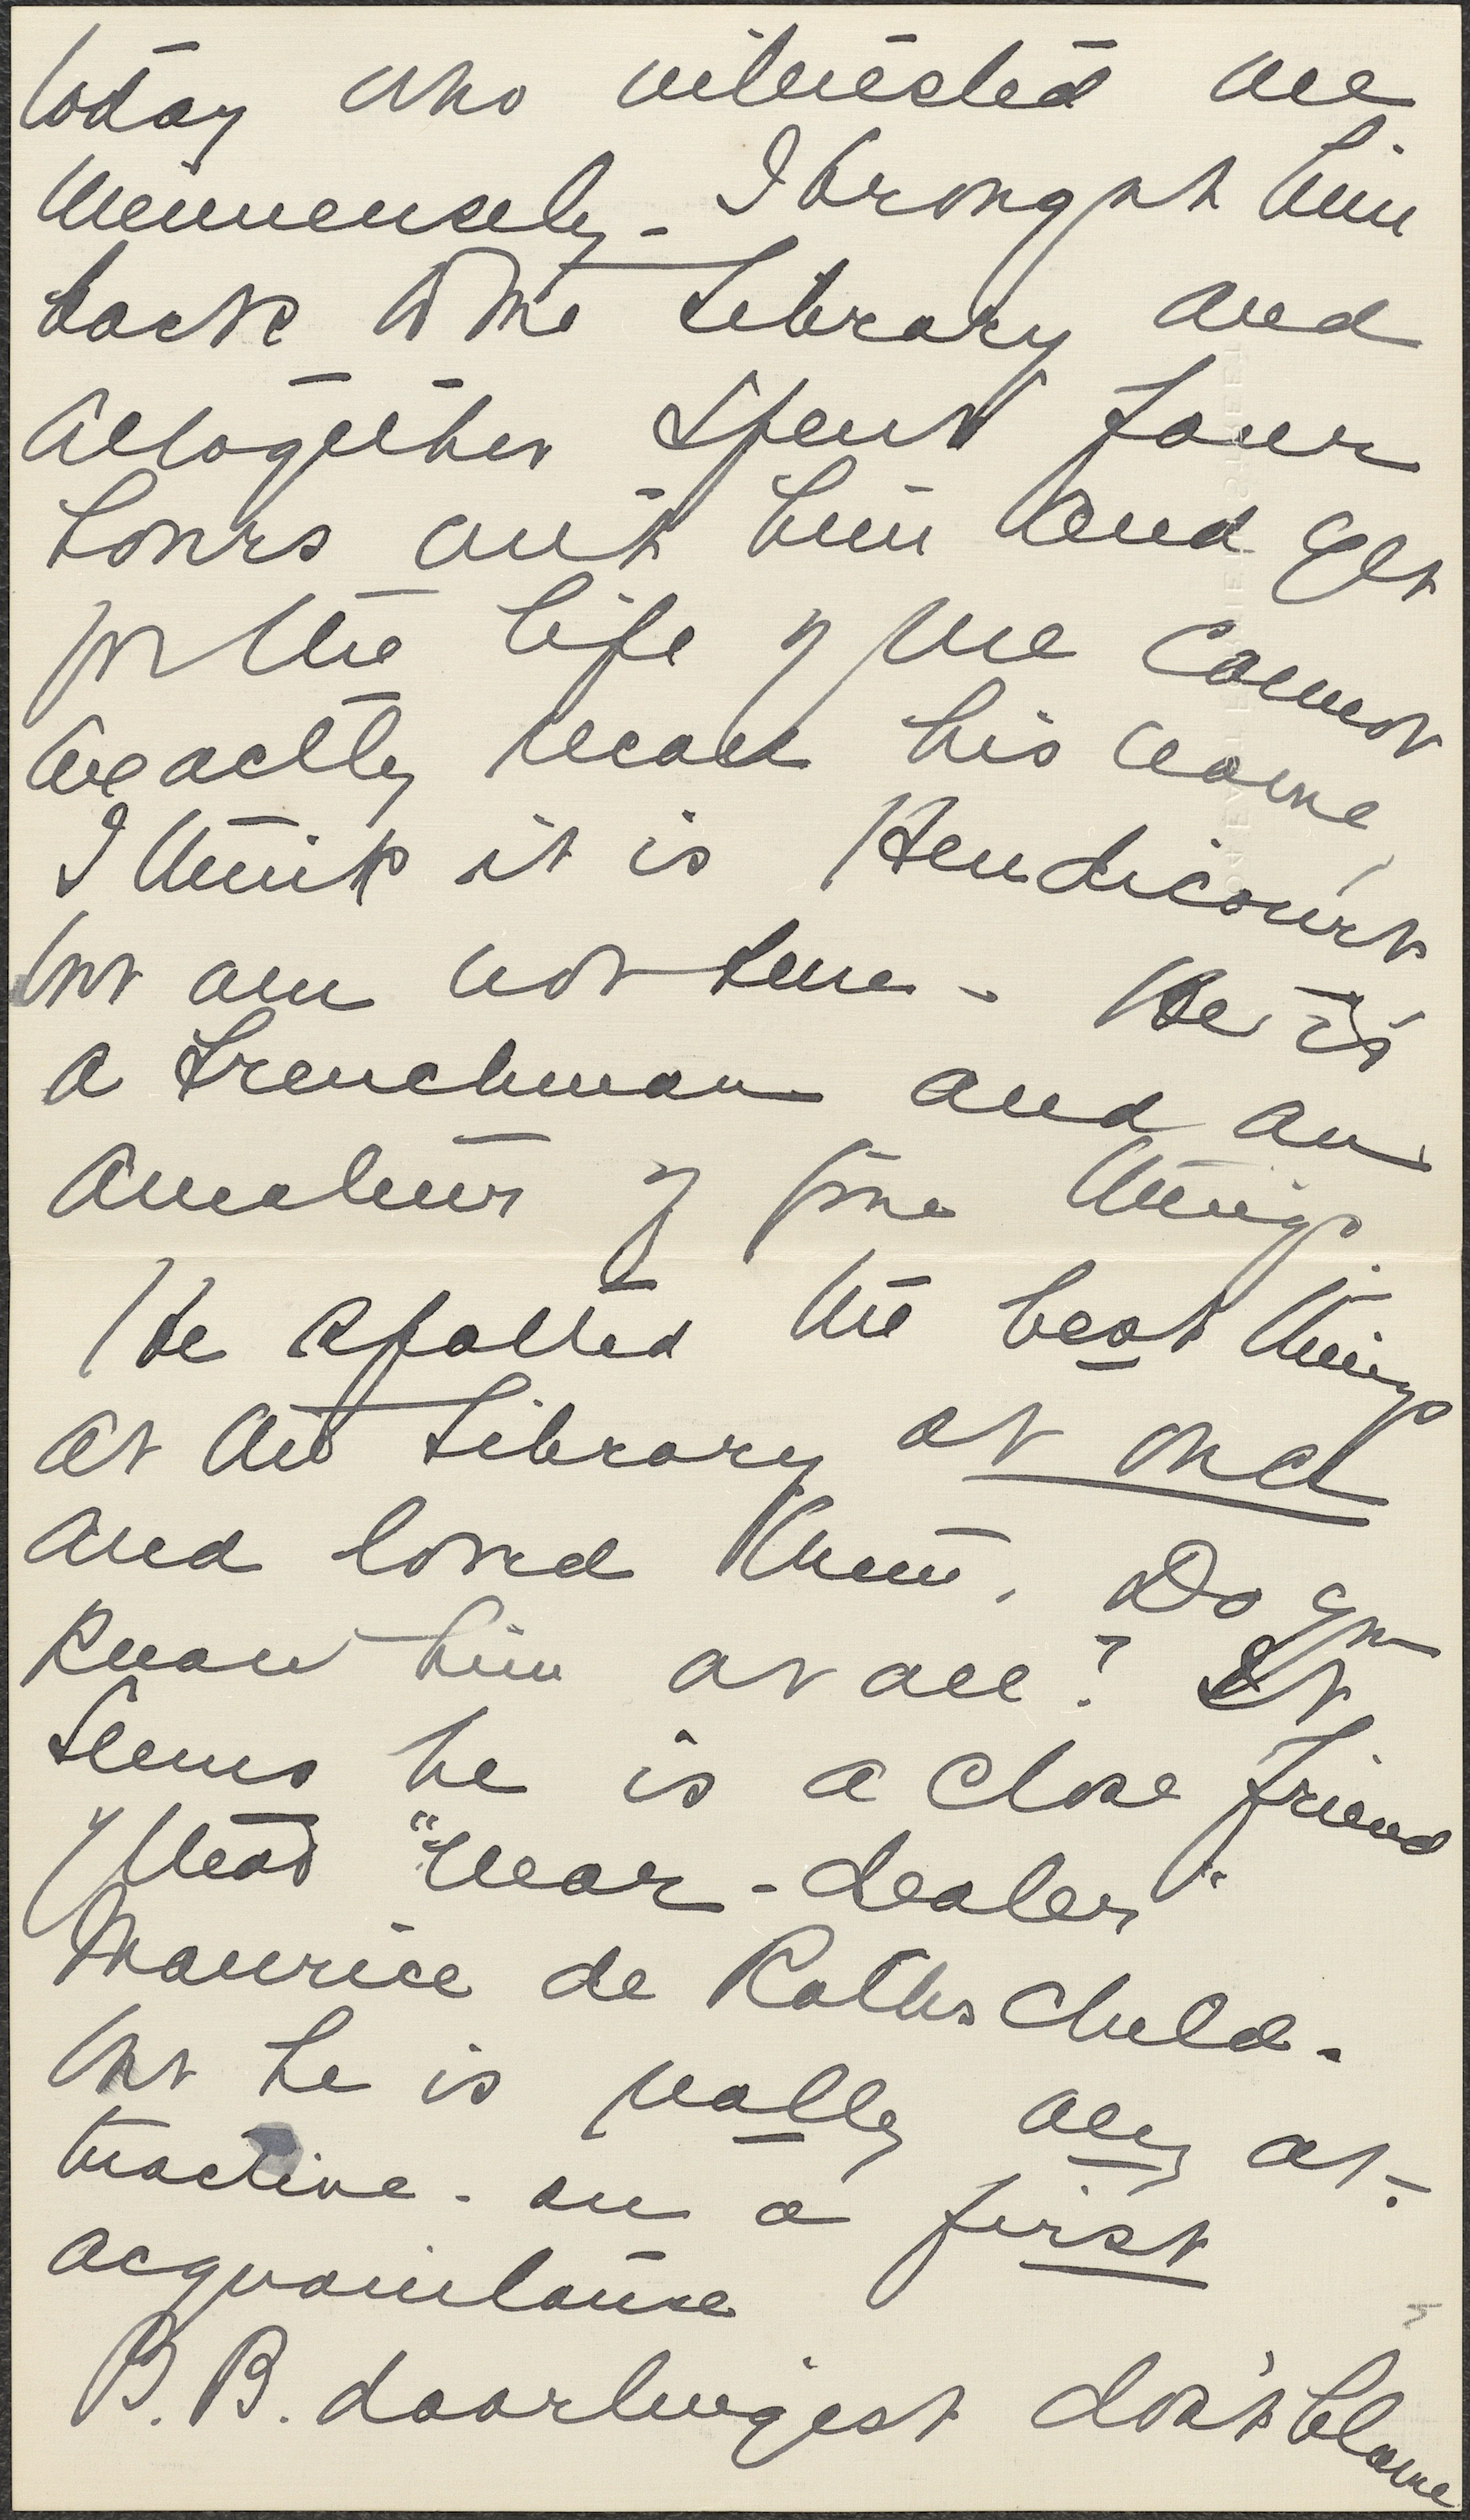today who interested me immensely – I brought him back to the Library and altogether spent four hours with him and yet for the life of me cannot exactly recall his name, I think it is Hendicourt, but am not sure – He is a Frenchman and an amateur of fine things. He spotted the best things at the Library at once and loved them. Do you know him at all? It seems he is a close friend of that “near-dealer” Maurice de Rothschild – but he is really very attractive – on a first acquaintance
B. B. daarlingest don’t blame